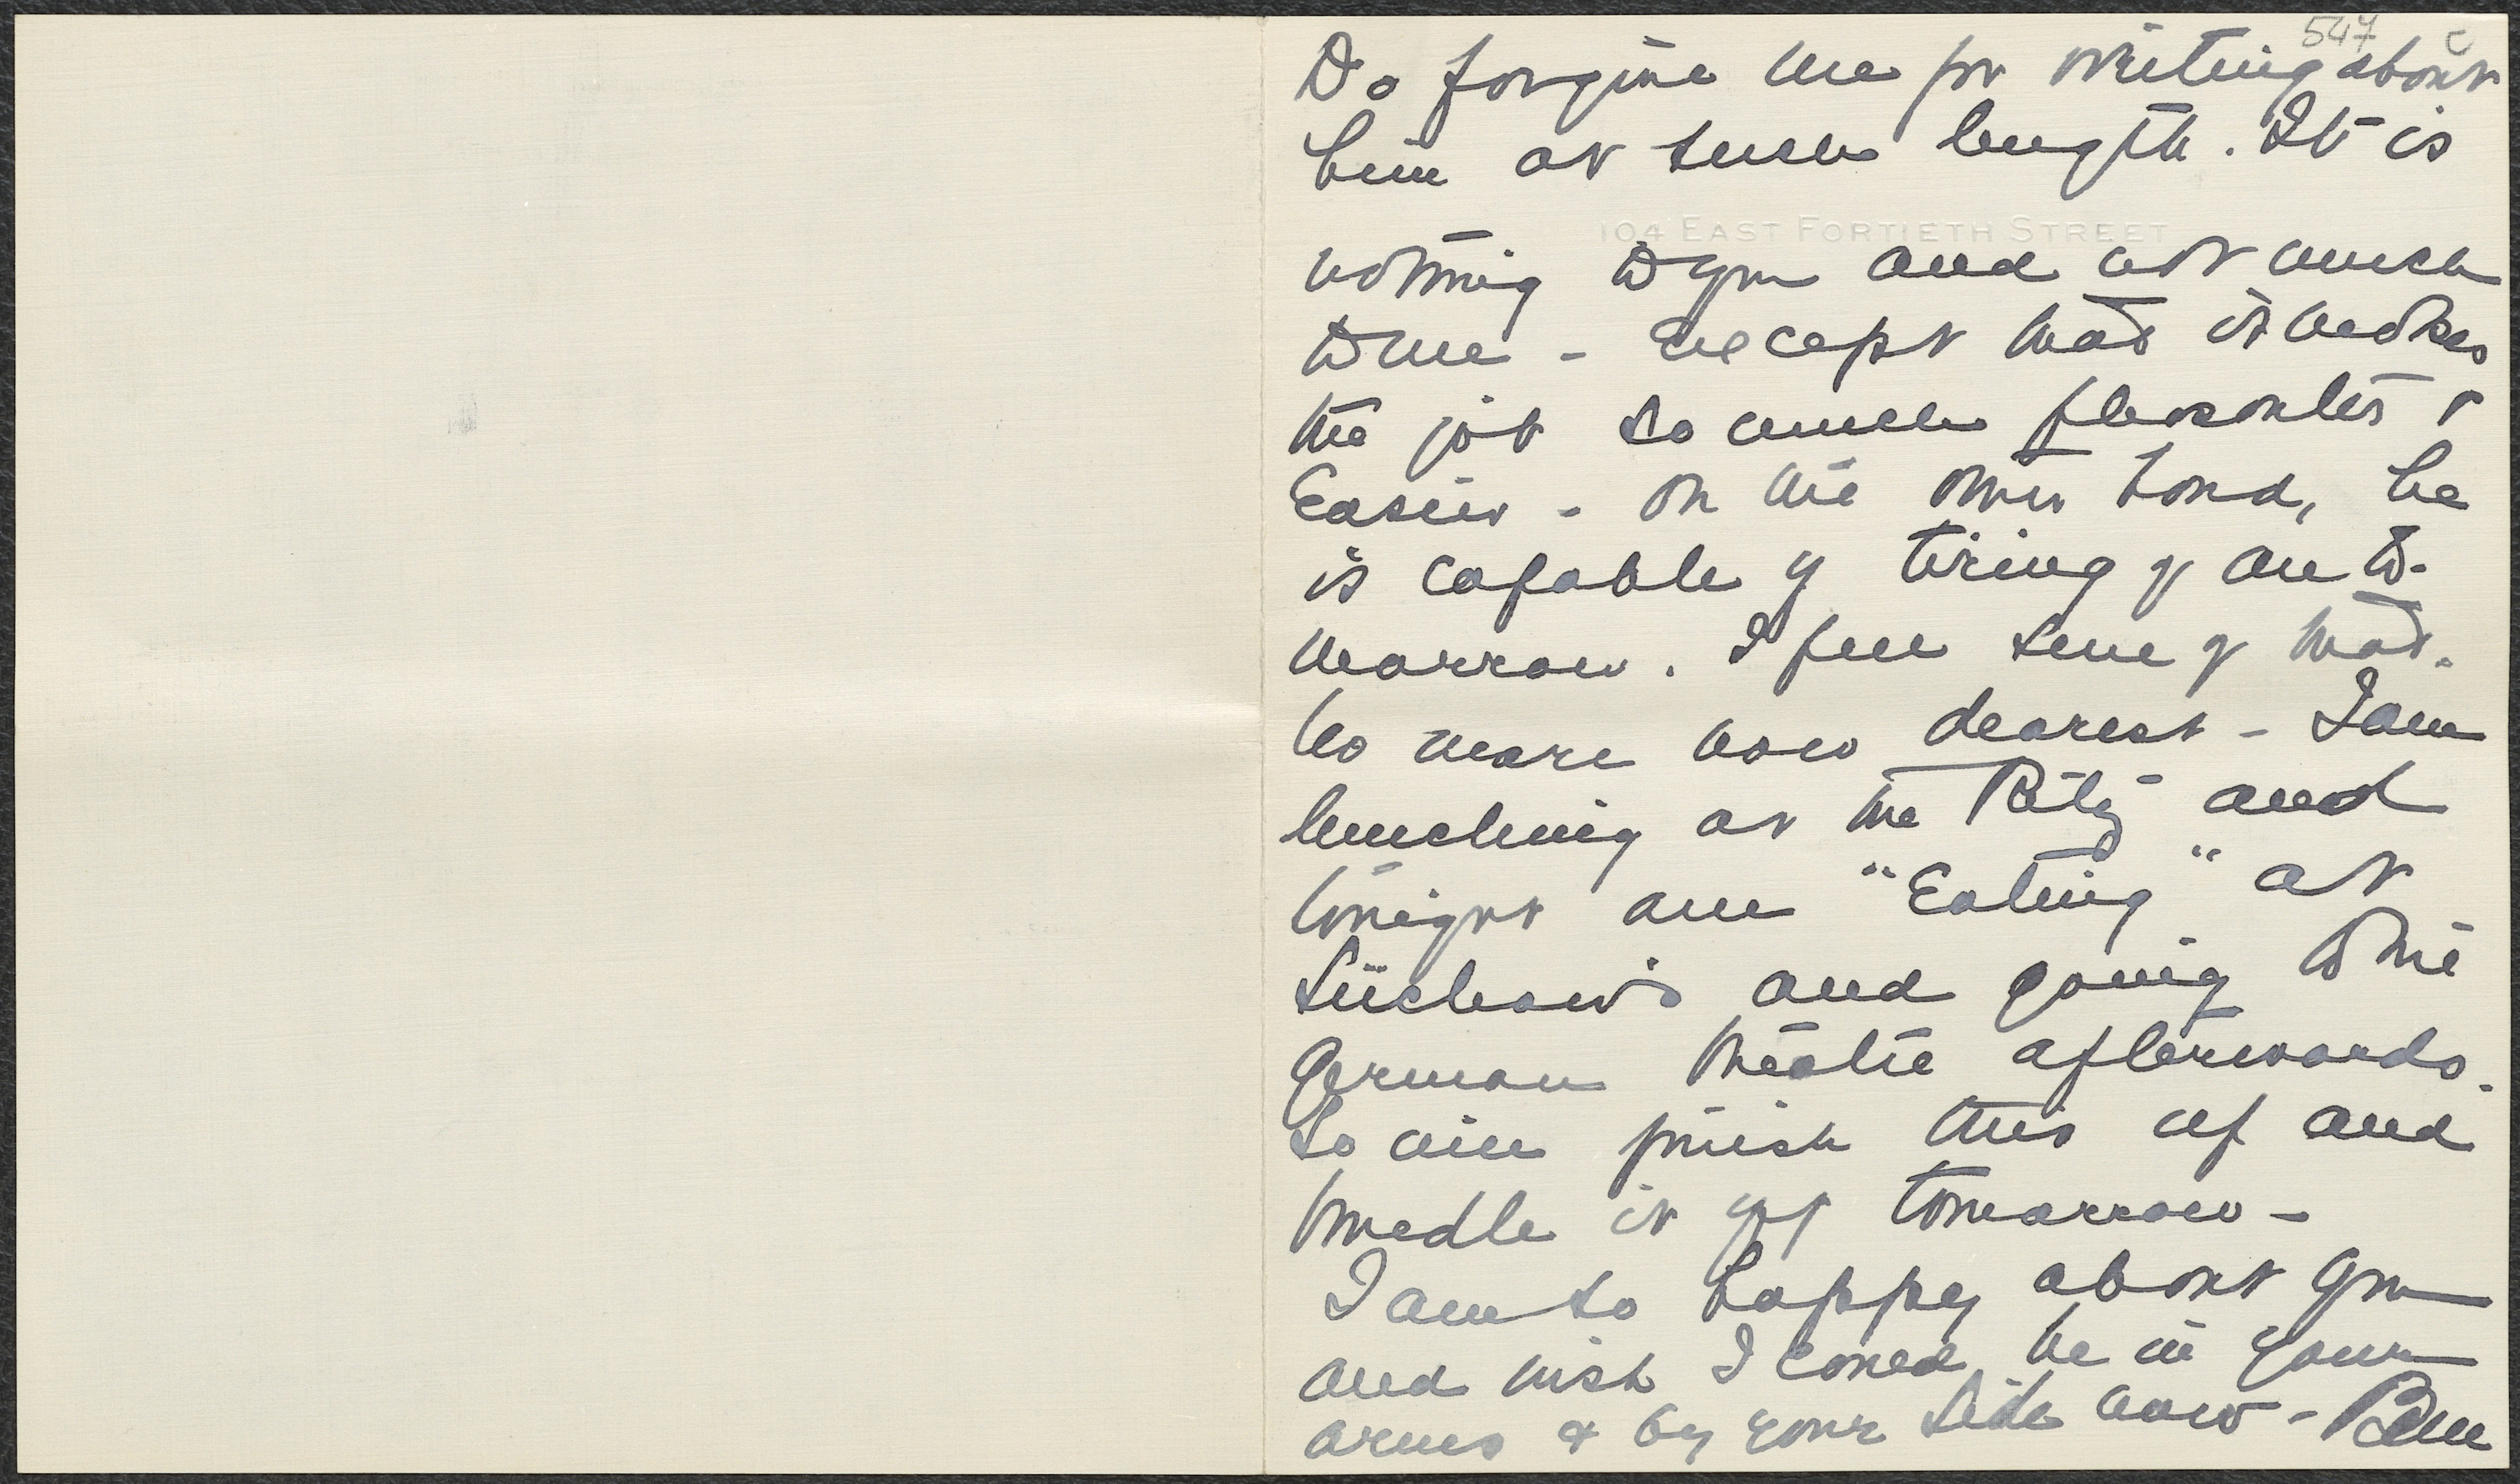Do forgive me for writing about him at such length. It is nothing to you and not much to me – except that it makes the job so much pleasanter & easier – on the other hand, he is capable of tiring me tomorrow. I feel sure of that. No more now dearest – I am lunching at the Ritz and tonight am “eating” at Süchow’s and going to the German theatre afterwards. So will finish this up and [illegible] it off tomorrow –
I am so happy about you and wish I could be in your arms & by your side now – Belle